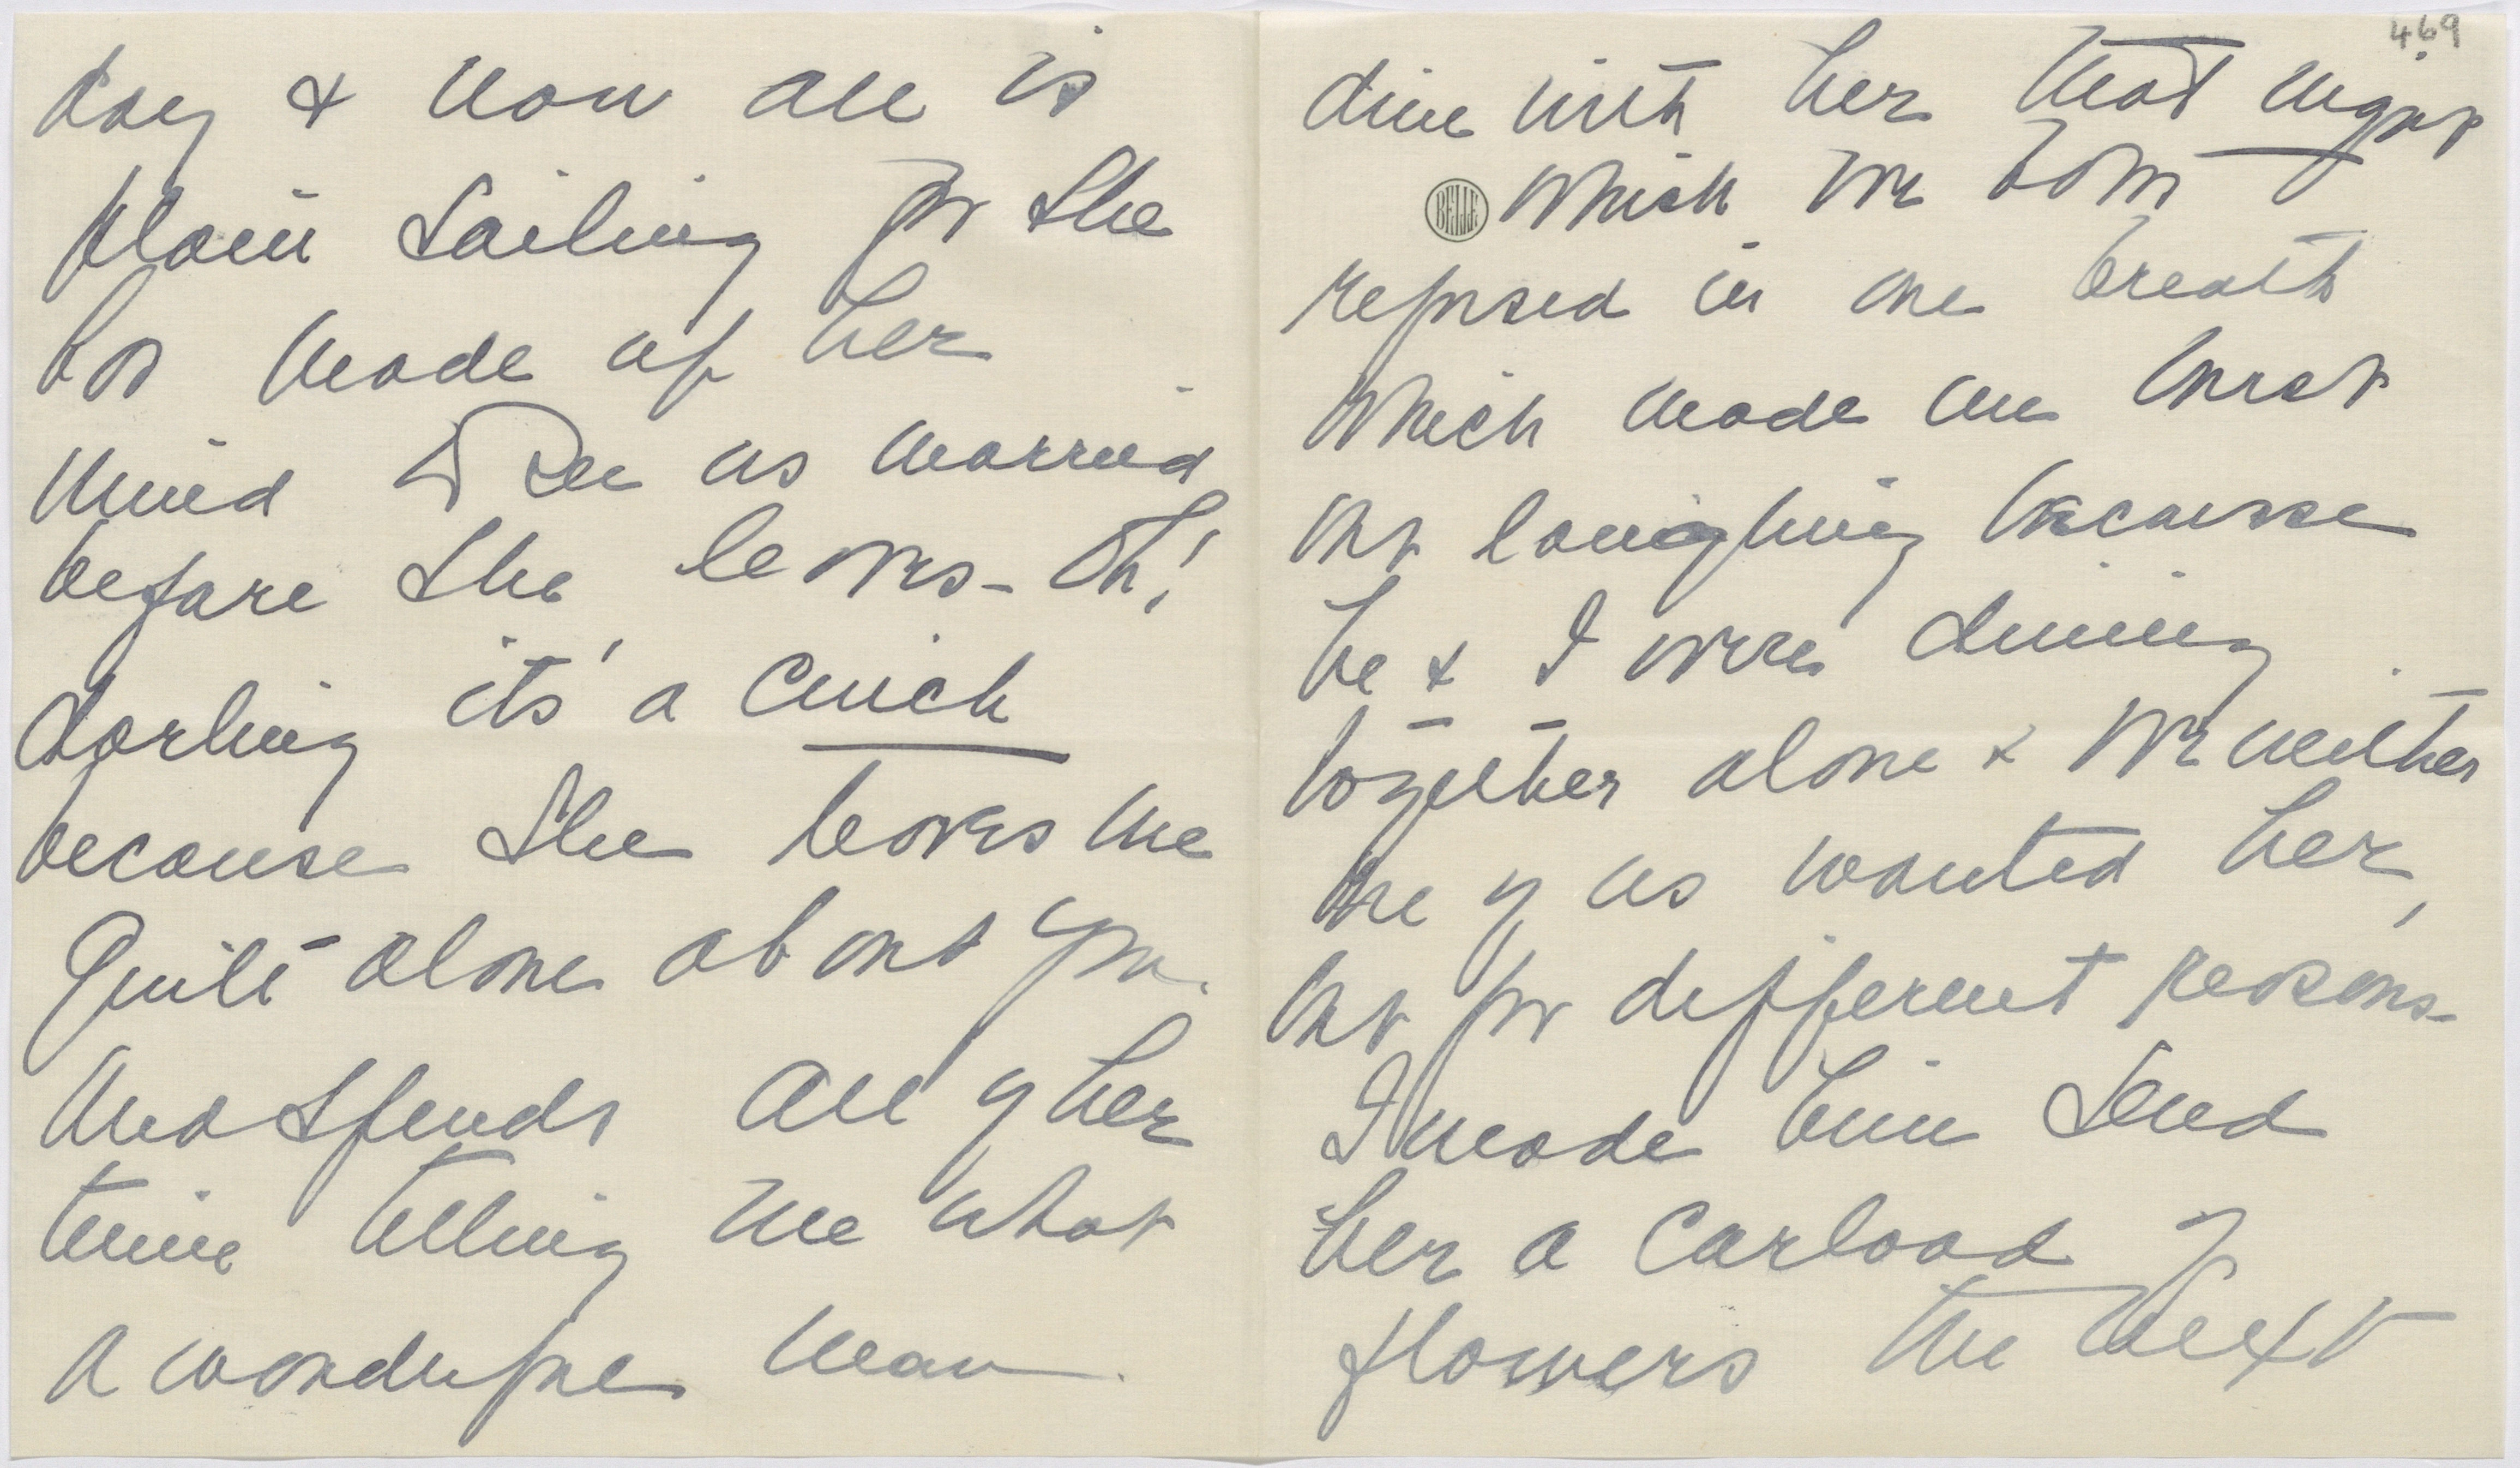dine with her that night which we both refused in one breath which made me burst out laughing because he & I were dining together alone & we neither one of us wanted her, but for different reasons I made him send her a carload of flowers the next
day & now all is plain sailing for she has made up her mind to see us married before she leaves – Oh! darling it’s a cinch because she leaves me quite alone about you, and spends all of her time telling me what a wonderful man